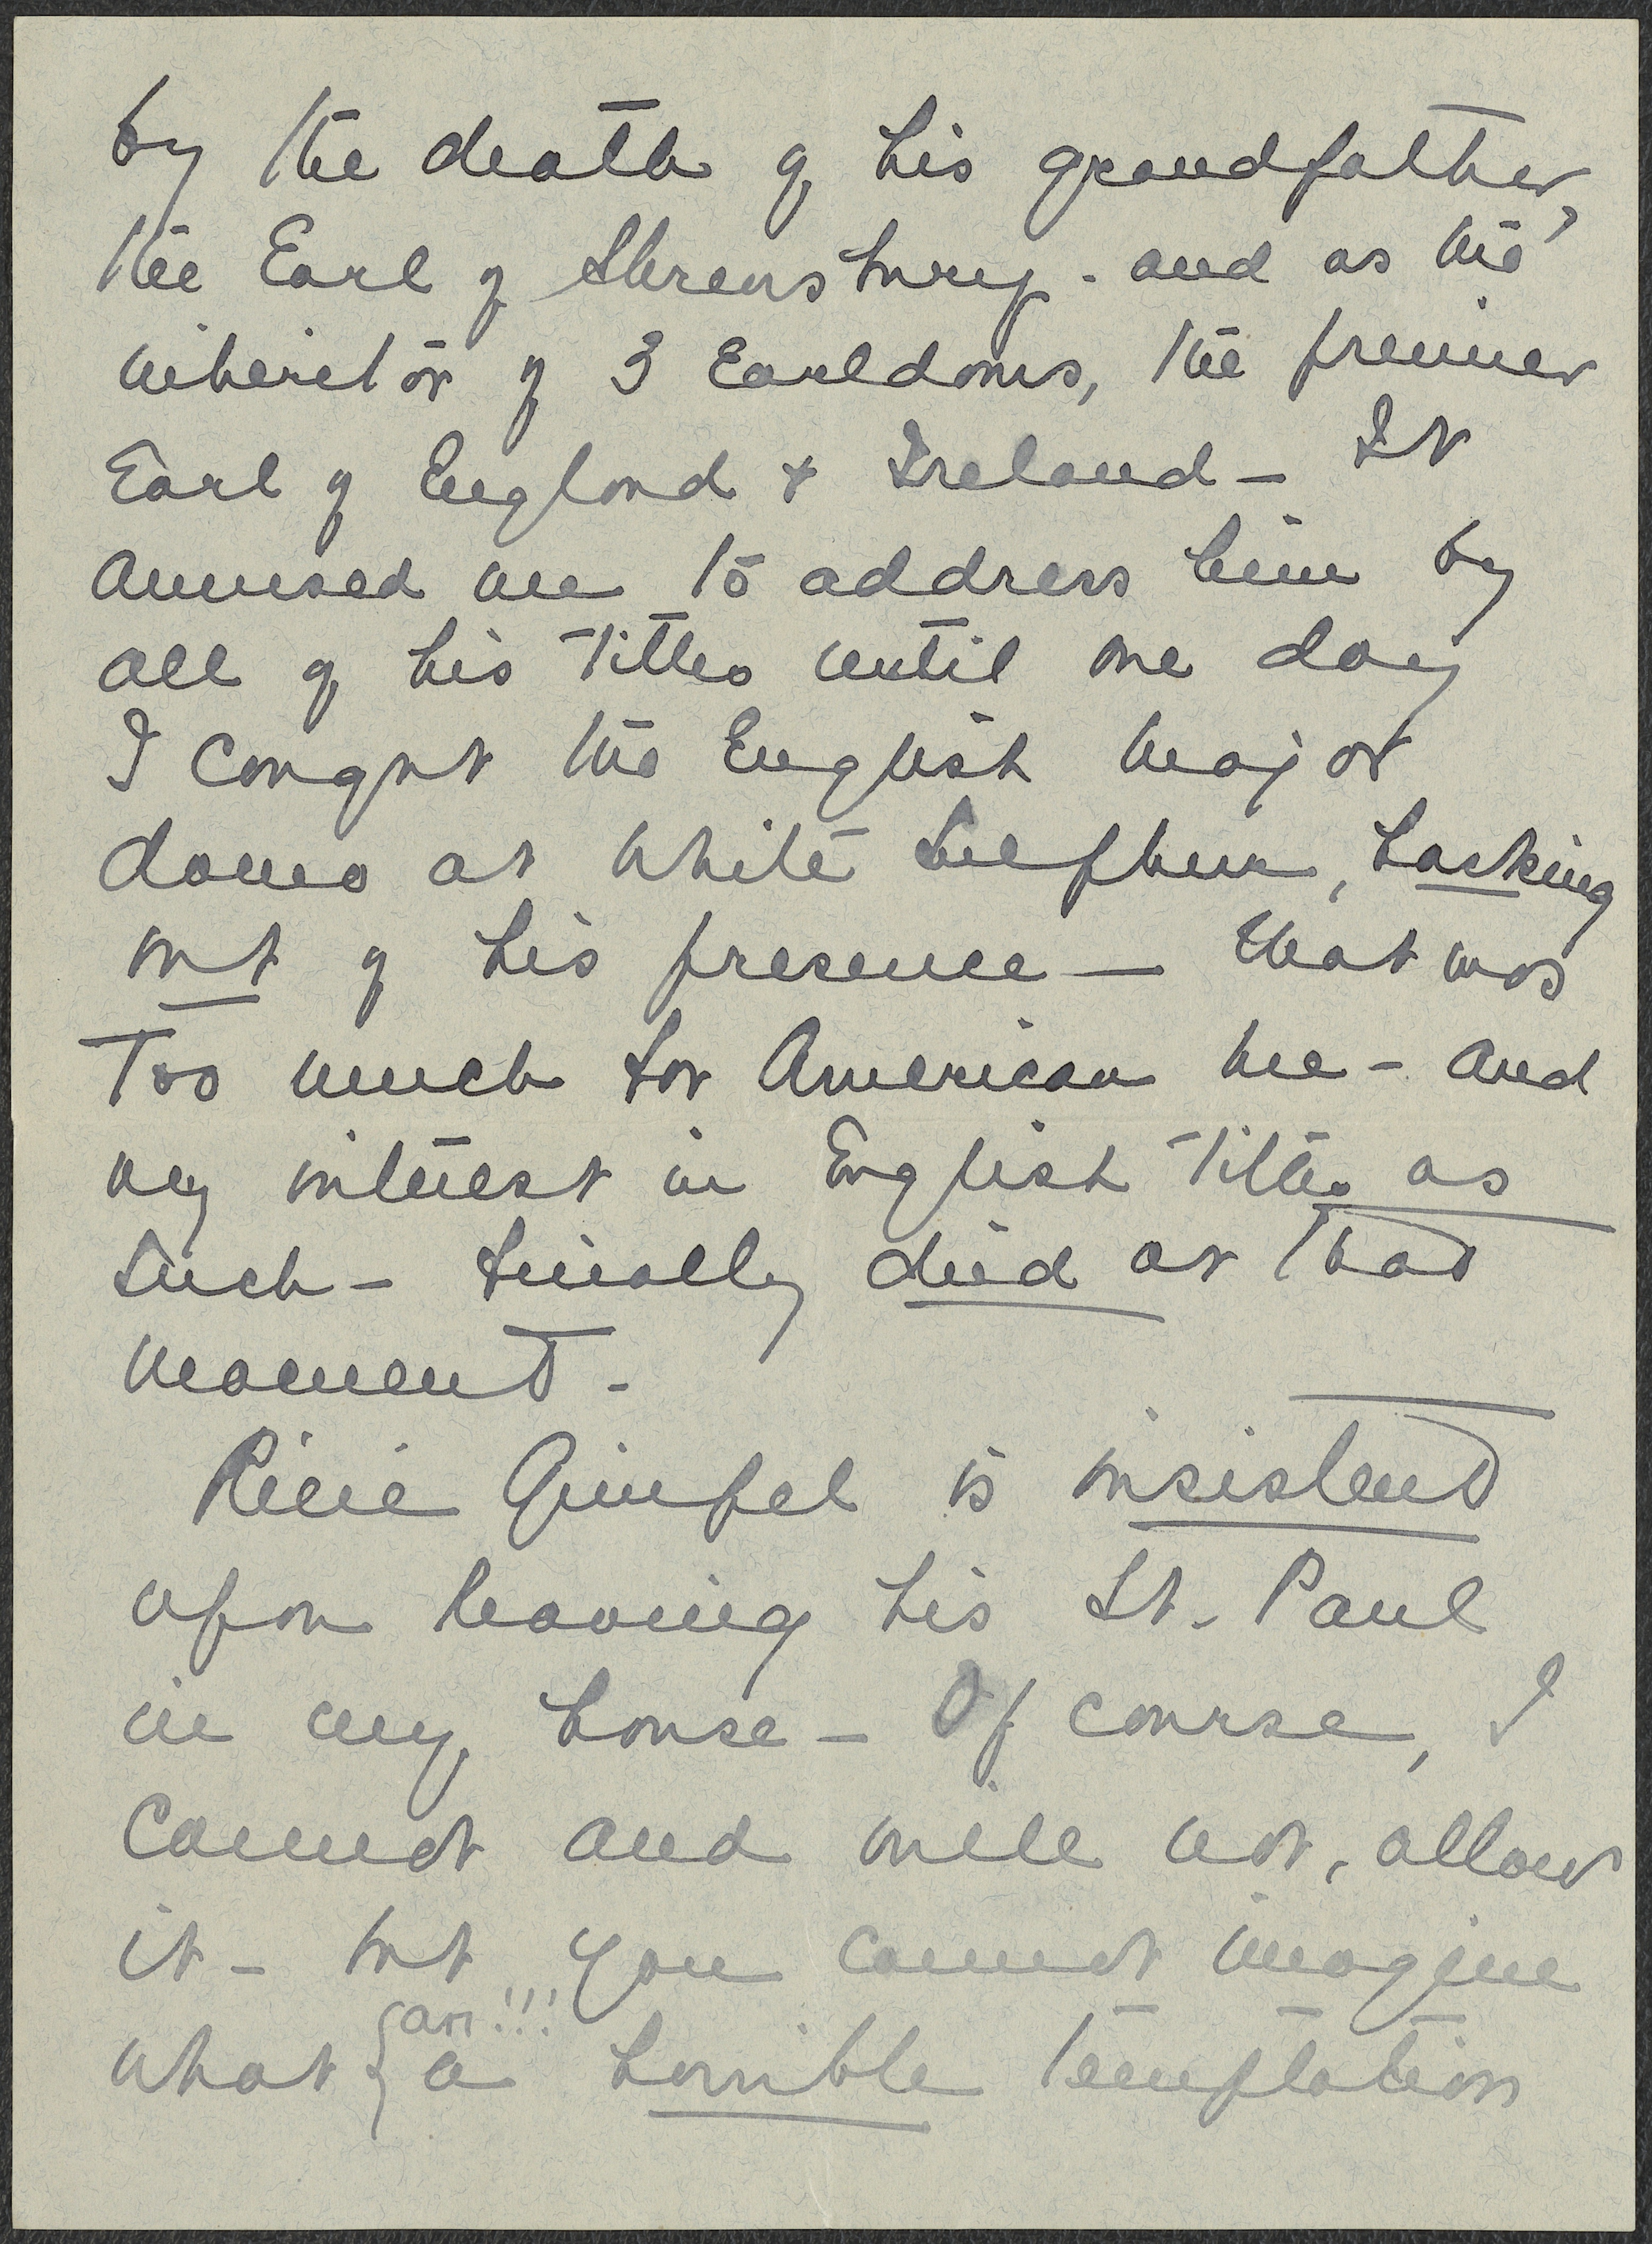by the death of his grandfather, the Earl of Shrewsbury – and as the inheritor of 3 Earldoms, the premier Earl of England & Ireland – It amused me to address him by all of his titles until one day I caught the English major domo at White Sulphur, backing out of his presence – that was too much for American me – and my interest in English titles as such – finally died at that moment –
Réné Gimpel is insistent upon leaving his St. Paul in my house – Of course, I cannot and will not, allow it – but you cannot imagine what {[^an!!!^] a horrible temptation